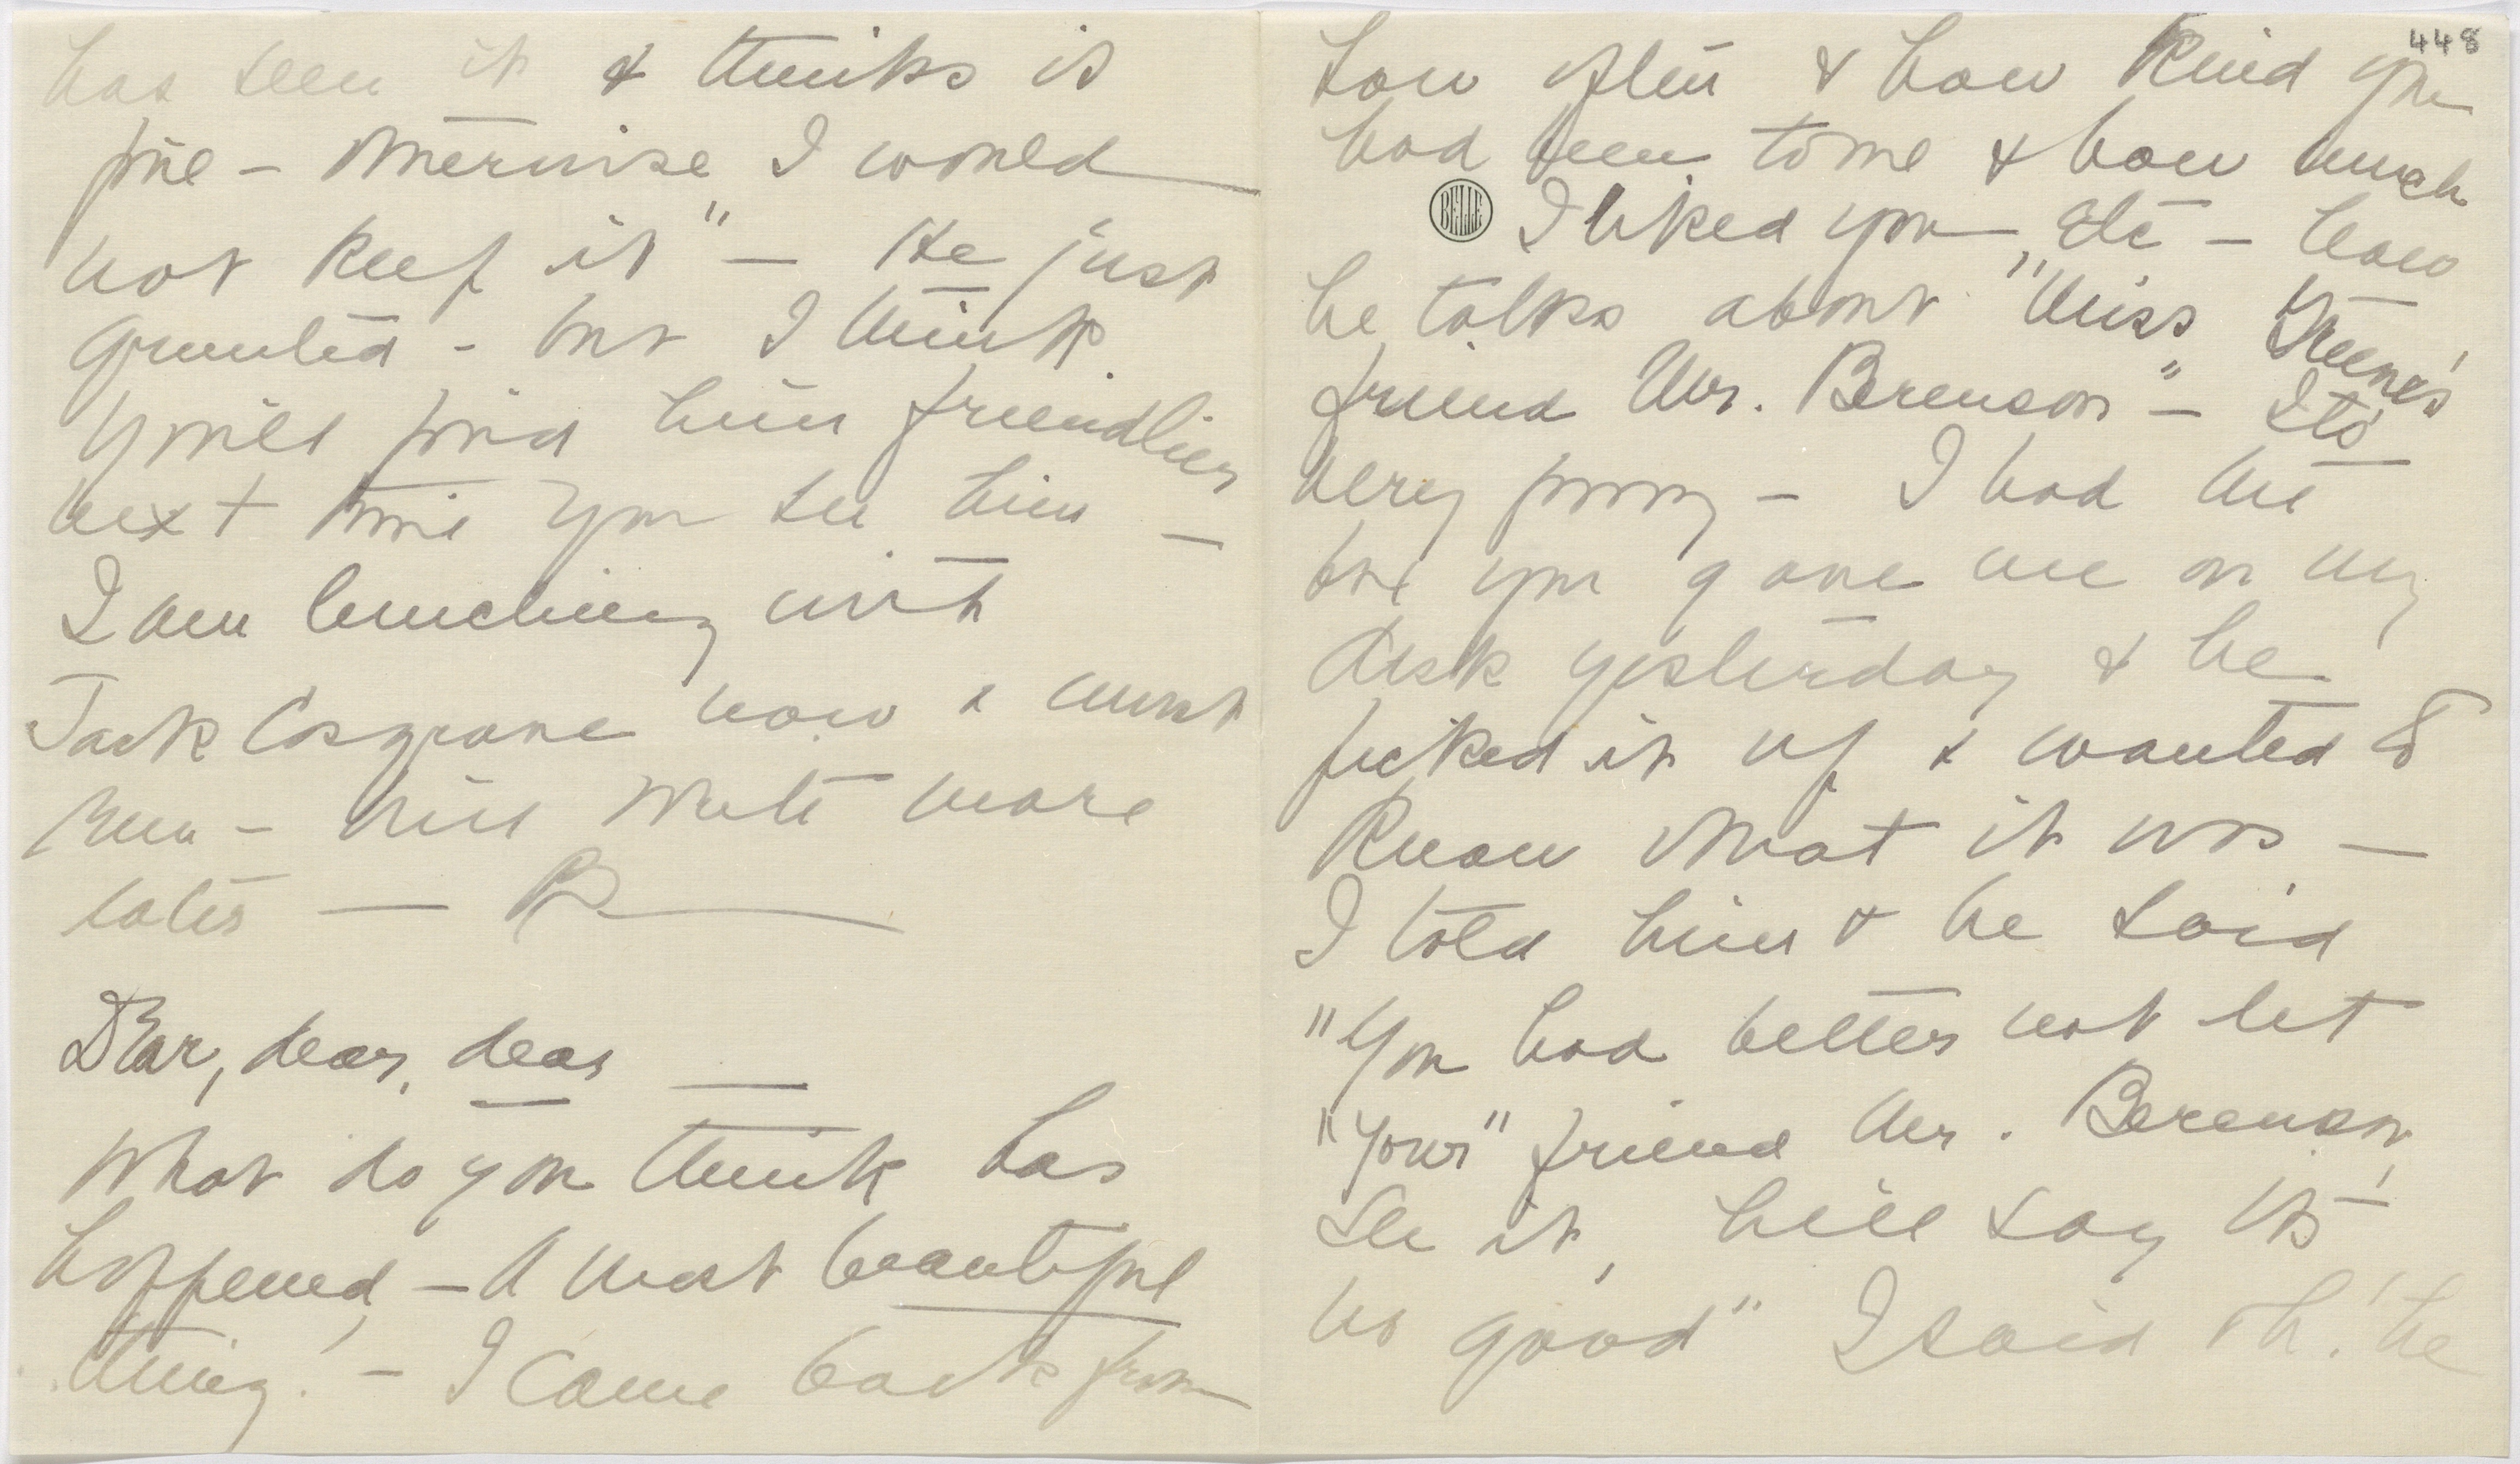how often & how kind you had been to me & how much I liked you etc – Now he talks about “Miss Greene’s friend Mr. Berenson” – It’s very funny – I had the box you gave me on my desk yesterday & he picked it up & wanted to know what it was – I told him & he said “You had better not let “your” friend Mr. Berenson see it, he’ll say it’s no good” I said oh! he
has seen it & thinks is [sic] fine – otherwise I would not keep it” – He just grunted – but I think you’ll find him friendlier next time you see him –
I am lunching with Jack Cosgrave now & must run – will write more later – B –
Dear, dear, dear –
What do you think has happened – A most beautiful thing! – I came back from